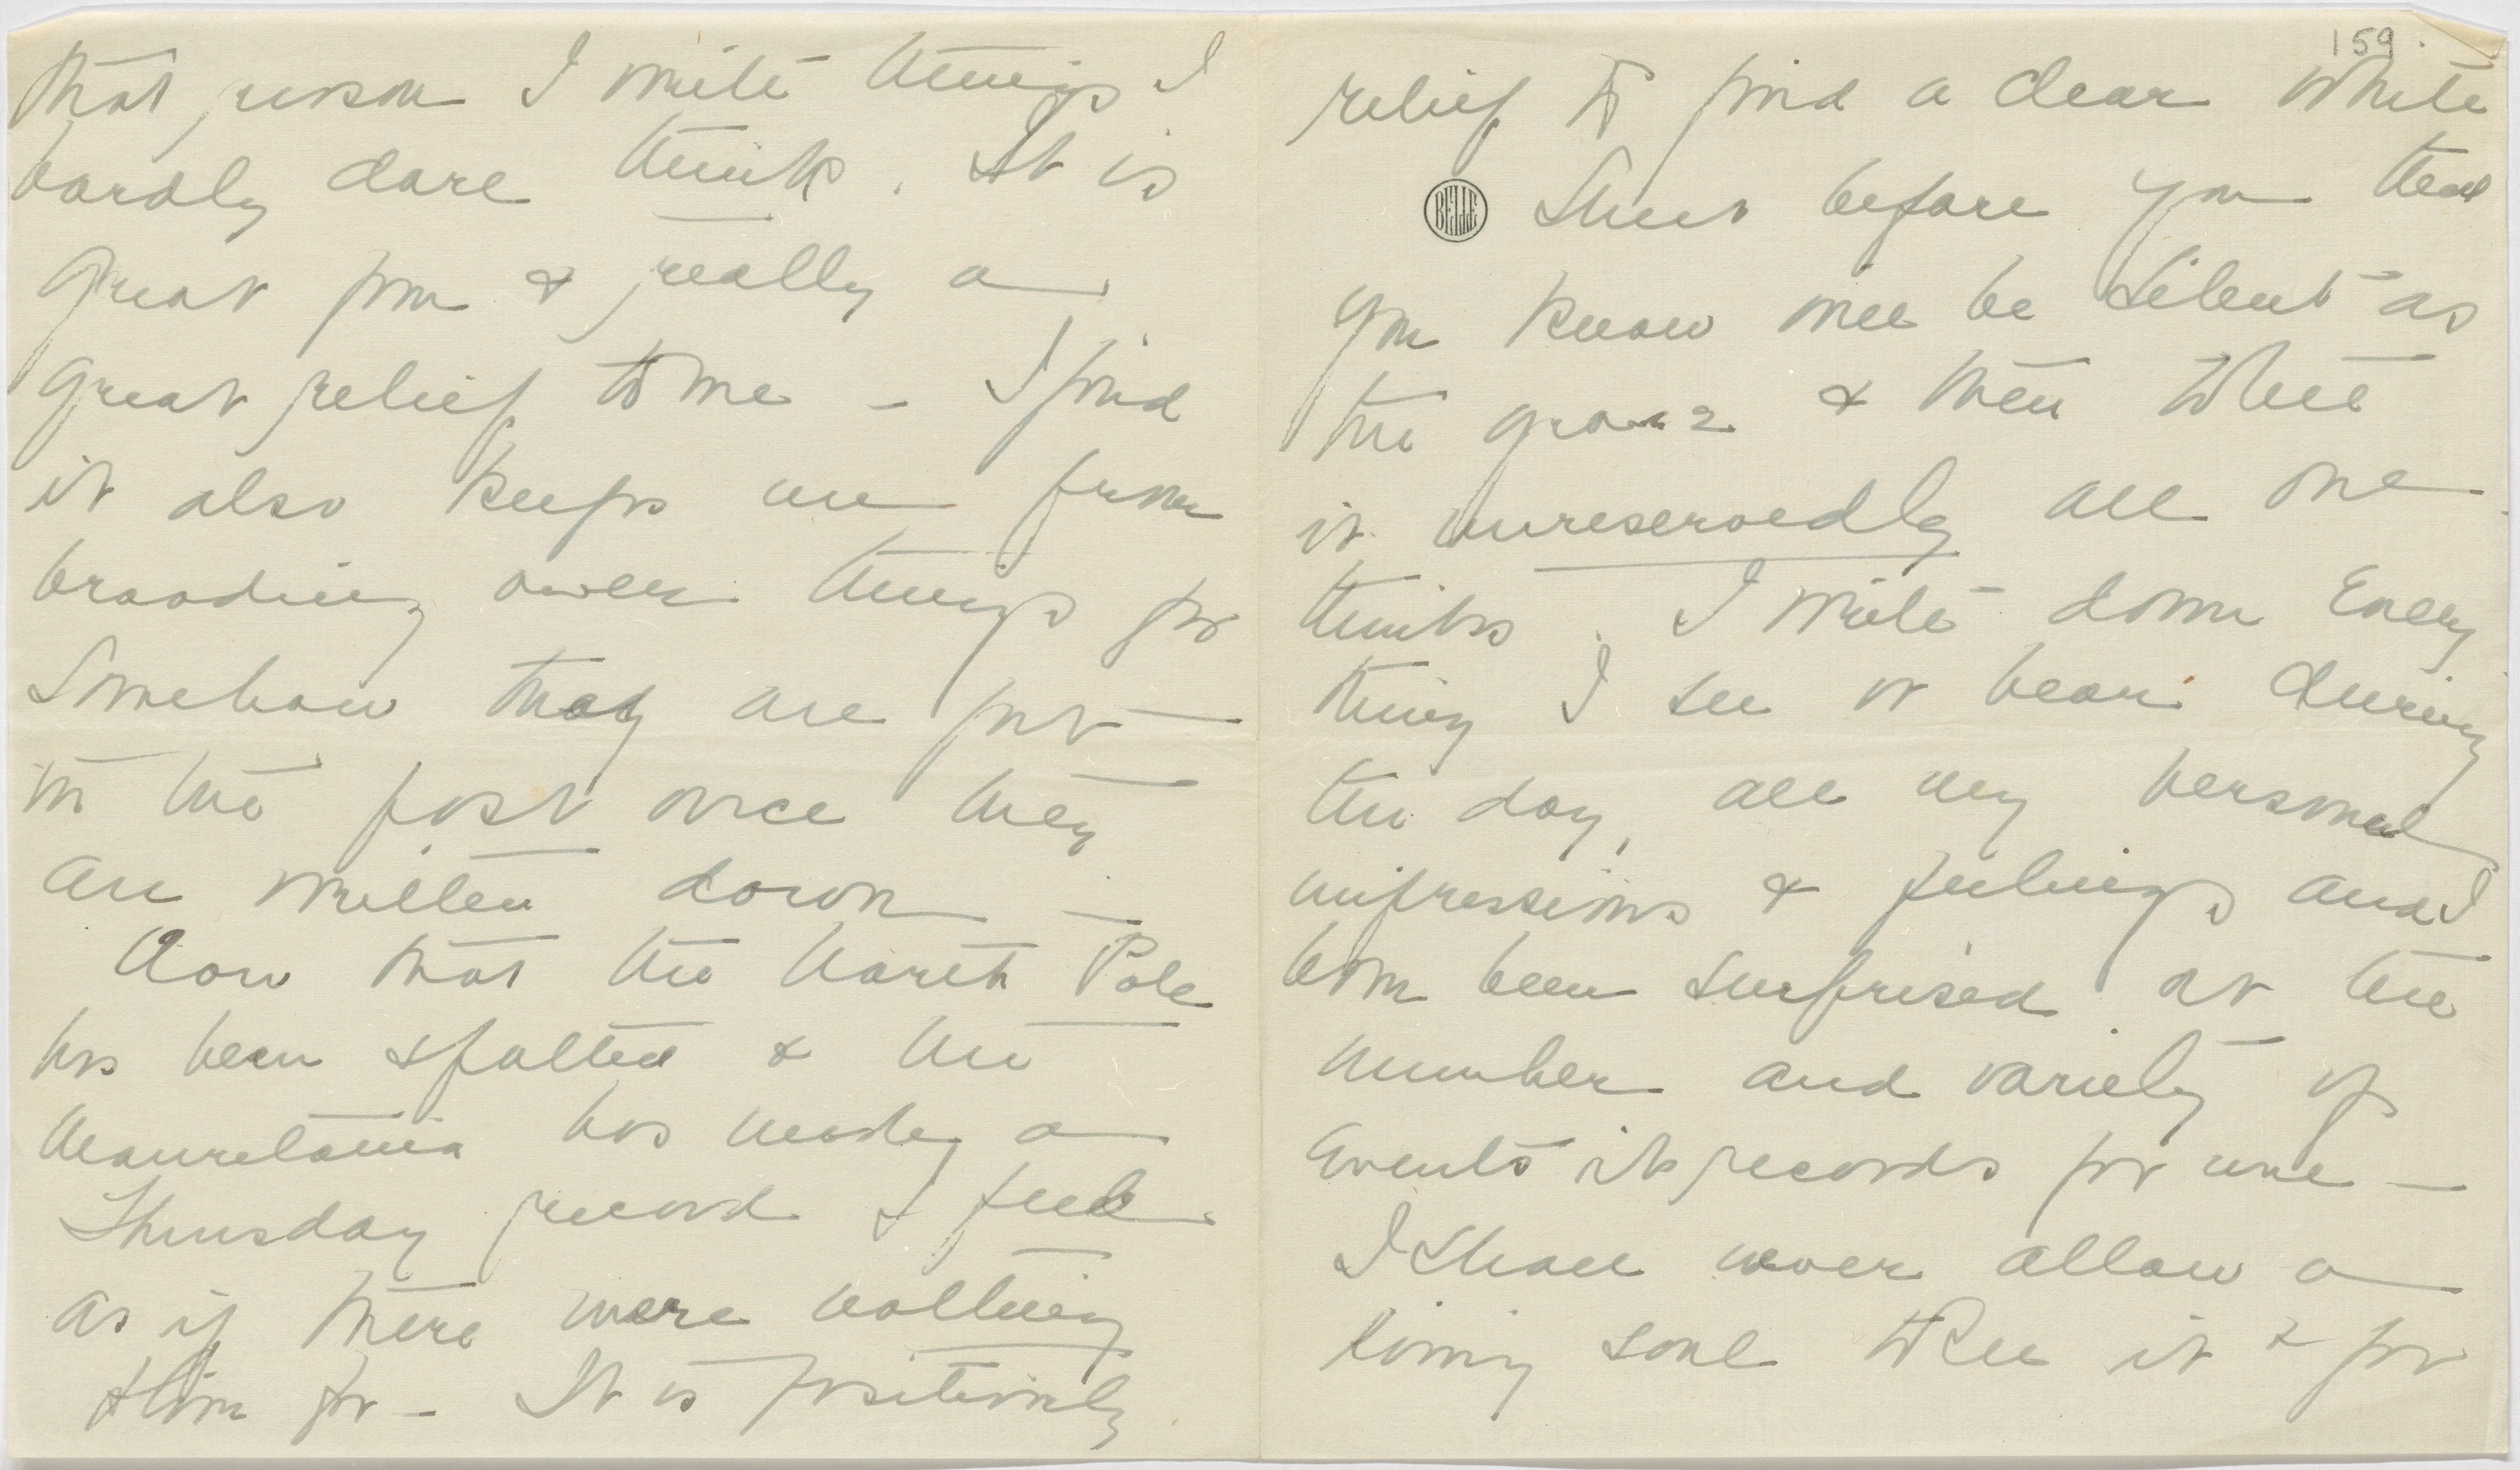relief to find a dear white sheet before you that you know will be silent as the grave & then to tell it unreservedly all one thinks. I write down every thing I see or hear during the day, all my personal impressions & feelings and I have been surprised at the number and variety of events it records for me – I shall never allow a living soul to see it & for
that reason I write things I hardly dare think. It is great fun & really a great relief to me – I find it also keeps me from brooding over things for somehow they are put in the past once they are written down –
Now that the North Pole has been spotted & the Mauretania has made a Thursday record I feel as if there were nothing to live for – It is positively